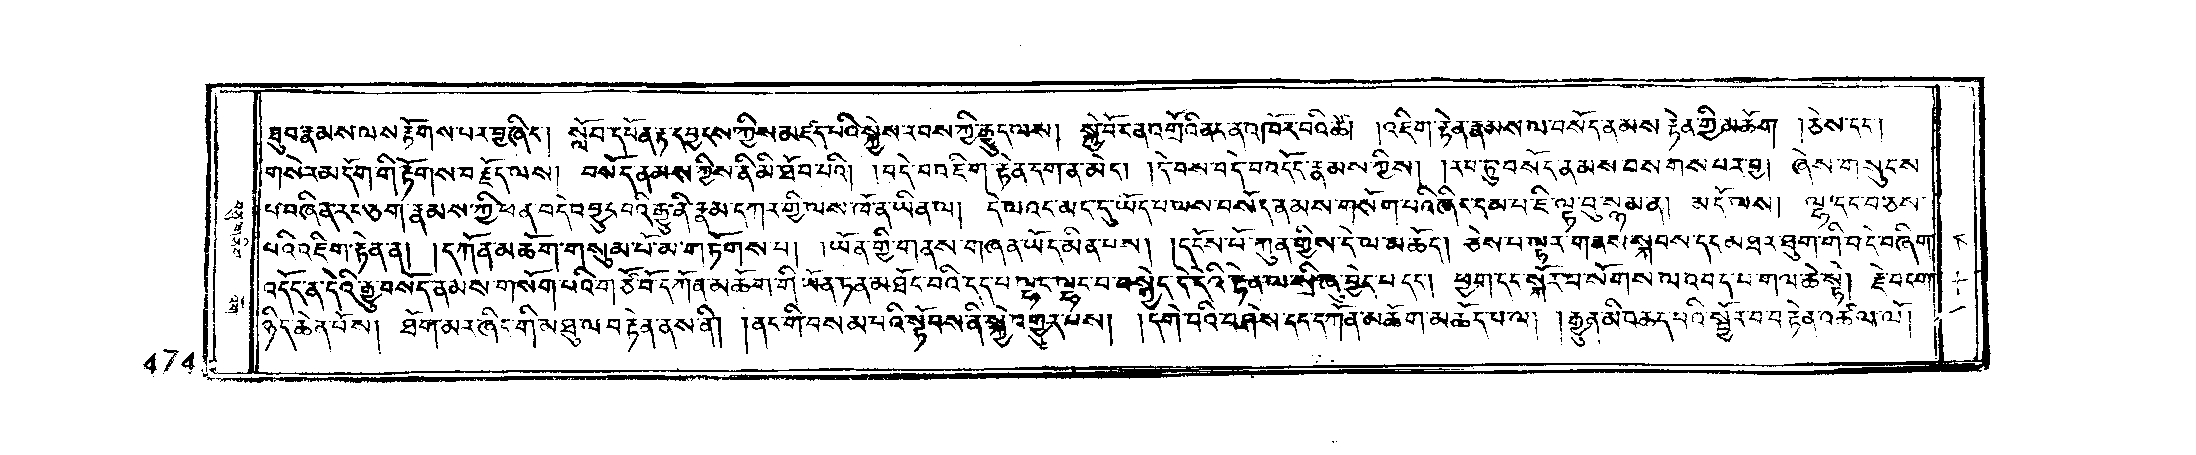ཐུབ་རྣམས་ལས་རྟོགས་པར་བྱ་ཞིང་། སློབ་དཔོན་རྟ་དབྱངས་ཀྱིས་མཛད་པའི་སྐྱེས་རབས་ཀྱི་རྒྱུད་ལས། སྐྱེ་བོ་ངན་འགྲོའི་ནང་ན་འཁོར་བའི་ཚེ། །འཇིག་རྟེན་རྣམས་ལ་བསོད་ནམས་རྟེན་གྱི་མཆོག །ཅེས་དང་།
གསེར་མདོག་གི་རྟོགས་བརྗོད་ལས། བསོད་ནམས་ཀྱིས་ནི་མི་ཐོབ་པའི། །བདེ་བ་འཇིག་རྟེན་དག་ན་མེད། །དེ་བས་བདེ་བ་འདོད་རྣམས་ཀྱིས། །རབ་ཏུ་བསོད་ནམས་བསགས་པར་བྱ། ཞེས་གསུངས་
པ་བཞིན་རང་ཅག་རྣམས་ཀྱི་ཕན་བདེ་འབྱུང་བའི་རྒྱུ་ནི་རྣམ་དཀར་གྱི་ལས་ཁོ་ན་ཡིན་ལ། དེ་ལའང་མང་དུ་ཡོད་པ་ལས་བསོད་ནམས་གསོག་པའི་ཞིང་དམ་པ་ཇི་ལྟ་བུ་སྙམ་ན། མདོ་ལས། ལྷ་དང་བཅས་
པའི་འཇིག་རྟེན་ན། །དཀོན་མཆོག་གསུམ་པོ་མ་གཏོགས་པ། །ཡོན་གྱི་གནས་གཞན་ཡོད་མིན་པས། །དངོས་པོ་ཀུན་གྱིས་དེ་ལ་མཆོད། ཅེས་པ་ལྟར་གནས་སྐབས་དང་མཐར་ཐུག་གི་བདེ་བ་ཞིག་
འདོད་ན་དེའི་རྒྱུ་བསོད་ནམས་གསོག་པའི་གཙོ་བོ་དཀོན་མཆོག་གི་ཡོན་ཏན་མཐོང་བའི་དད་པ་ལྷང་ལྷང་བ་བསྐྱེད་དེ་དེའི་རྟེན་ལ་སྲི་ཞུ་བྱེད་པ་དང་། ཕྱག་དང་སྐོར་བ་སོགས་ལ་འབད་པ་གལ་ཆེ་སྟེ། རྗེ་བདག་
ཉིད་ཆེན་པོས། ཐོག་མར་ཞིང་གི་མཐུ་ལ་བརྟེན་ནས་ནི། །ནང་གི་བསམ་པའི་སྟོབས་ནི་སྐྱེ་འགྱུར་པས། །དགེ་བའི་བཤེས་དང་དཀོན་མཆོག་མཆོད་པ་ལ། །རྒྱུན་མི་འཆད་པའི་སྦྱོར་བ་བརྟེན་འཚལ་ལོ།